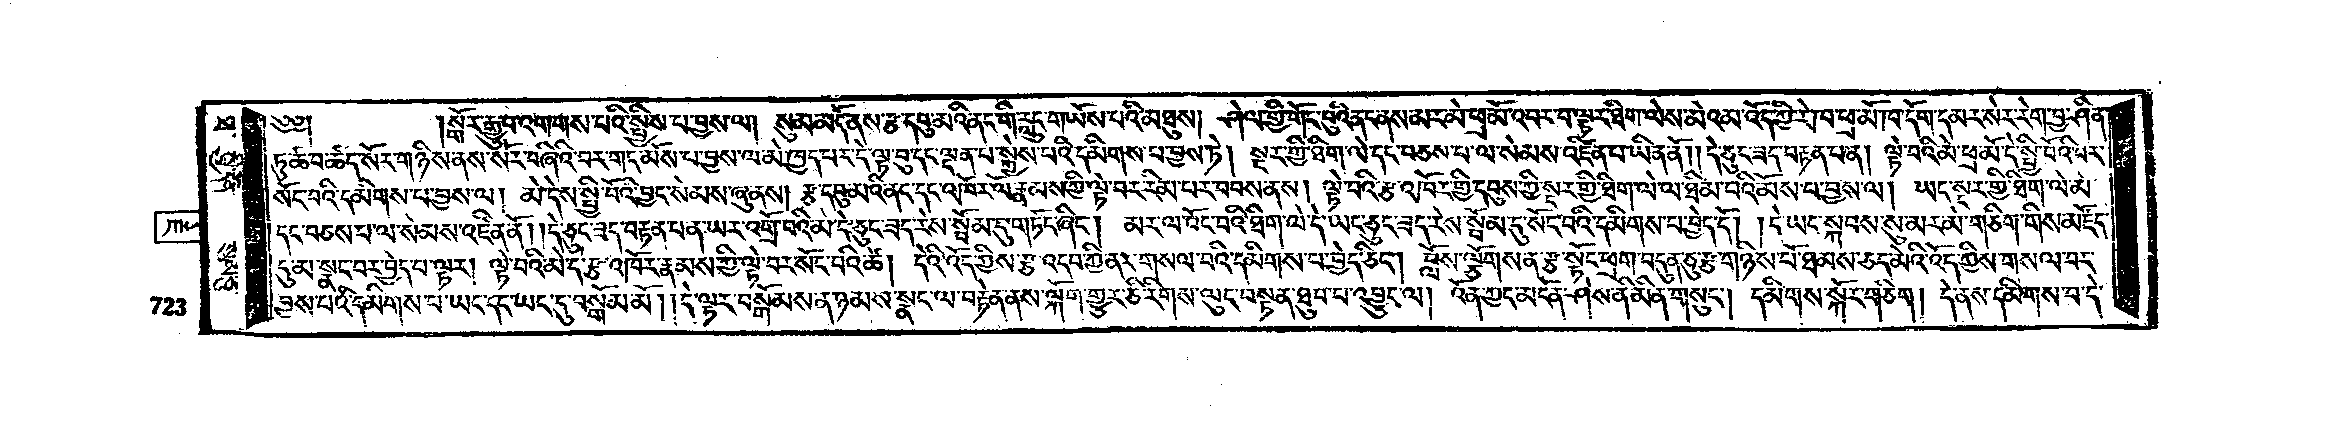༄༅། །སྒོར་རྒྱུ་བ་འགགས་པའི་སྤྱིས་པ་བྱས་ལ། སུམ་མདོ་ནས་རྩ་དབུ་མའི་ནང་གི་རླུང་གཡོས་པའི་མཐུས། ཤེལ་གྱི་གོང་བུའི་ནང་ནས་མར་མེ་ཕྲ་མོ་འབར་བ་ལྟར་ཐིག་ལེས་མེའམ་འོད་ཀྱི་རེ་ཁ་ཕྲ་མོ་ཁ་དོག་དམར་སེར་རེག་བྱ་ཤིན་
ཏུ་ཚ་བ་ཚད་སོར་གཉིས་ནས་སོར་བཞིའི་བར་གང་མོས་པ་བྱས་ལ་མེ་ཁྱད་པར་དེ་ལྟ་བུ་དང་ལྡན་པ་སྐྱེས་པའི་དམིགས་པ་བྱས་ཏེ། སྔར་གྱི་ཐིག་ལེ་དང་བཅས་པ་ལ་སེམས་འཛིན་པ་ཡིན་ནོ། །དེ་ཅུང་ཟད་བརྟན་པ་ན། ལྟེ་བའི་མེ་ཕྲ་མོ་དེ་སྤྱི་བོའི་བར་
སོང་བའི་དམིགས་པ་བྱས་ལ། མེ་དེས་སྤྱི་བོའི་བྱང་སེམས་ཞུ་ནས། རྩ་དབུ་མའི་ནང་དང་འཁོར་ལོ་རྣམས་ཀྱི་ལྟེ་བར་རིམ་པར་བབས་ནས། ལྟེ་བའི་རྩ་འཁོར་གྱི་དབུས་ཀྱི་སྔར་གྱི་ཐིག་ལེ་ལ་ཐིམ་པའི་མོས་པ་བྱས་ལ། ཡང་སྔར་གྱི་ཐིག་ལེ་མེ་
དང་བཅས་པ་ལ་སེམས་འཛིན་ནོ། །དེ་ཅུང་ཟད་བརྟན་པ་ན་ཡར་འགྲོ་བའི་མེ་དེ་ཅུང་ཟད་རེས་སྦོམ་དུ་གཏོང་ཞིང་། མར་ལ་འོང་བའི་ཐིག་ལེ་དེ་ཡང་ཅུང་ཟད་རེས་སྦོམ་དུ་སོང་བའི་དམིགས་པ་བྱེད་དོ། །དེ་ཡང་སྐབས་སུ་མར་མེ་གཅིག་གིས་མཛོད་
དུ་མ་སྣང་བར་བྱེད་པ་ལྟར། ལྟེ་བའི་མེ་དེ་རྩ་འཁོར་རྣམས་ཀྱི་ལྟེ་བར་སོང་བའི་ཚེ། དེའི་འོད་ཀྱིས་རྩ་འདབ་ཀྱི་ནང་གསལ་བའི་དམིགས་པ་བྱེད་ཅིང་། བློས་ལྕོགས་ན་རྩ་སྟོང་ཕྲག་བདུན་ཅུ་རྩ་གཉིས་པོ་ཐམས་ཅད་མེའི་འོད་ཀྱིས་གསལ་བར་
བྱས་པའི་དམིགས་པ་ཡང་དང་ཡང་དུ་བསྒོམ་མོ། །དེ་ལྟར་བསྒོམས་ན་ཉམས་སྣང་ལ་བརྟེན་ནས་ལྐོག་གྱུར་ཅི་རིགས་ལུང་བསྟན་ཐུབ་པ་འབྱུང་ལ། འོན་ཀྱང་མངོན་ཤེས་ནི་མིན་གསུང་། དམིགས་སྐོར་གཅིག། དེ་ནས་དམིགས་པ་དེ་